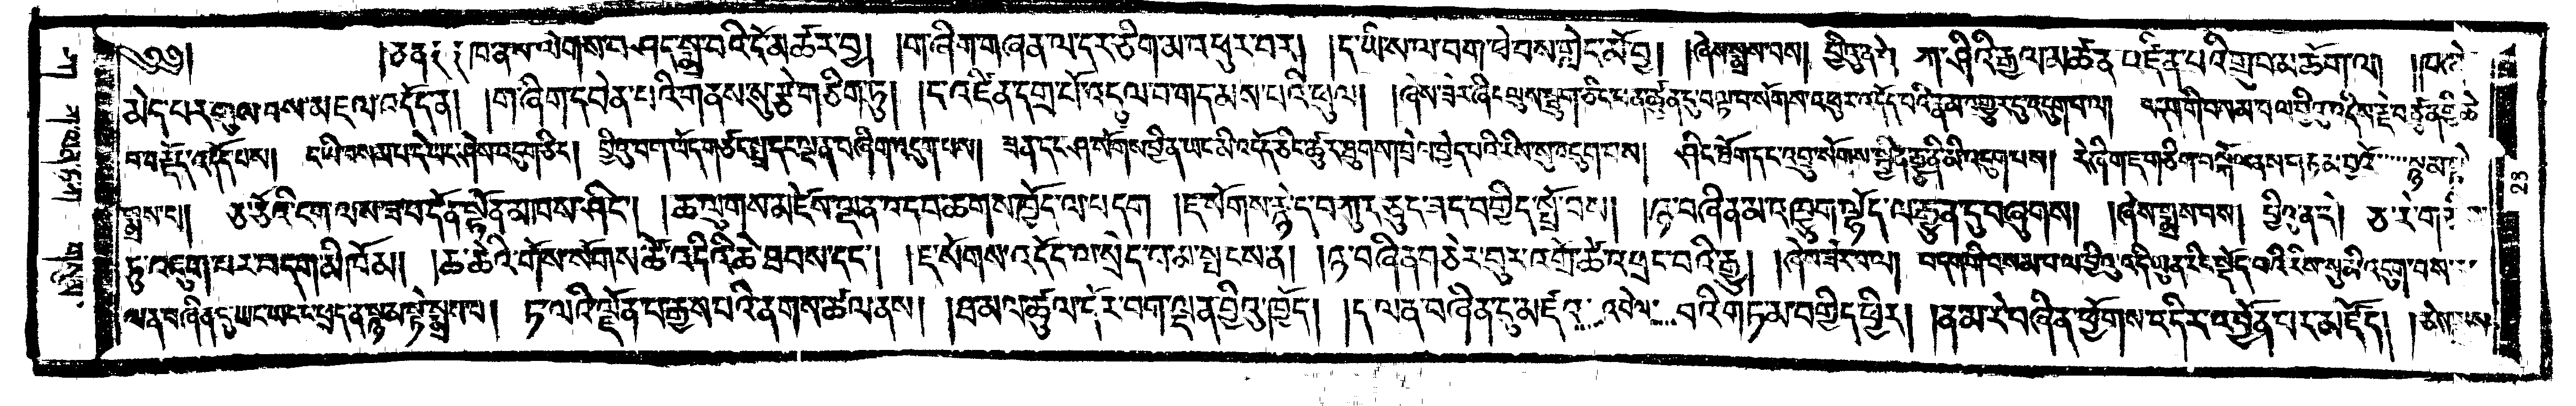༄༅། །ཅན། །ཁ་ནས་ལེགས་བཤད་སྨྲ་བའི་དོ་མཚར་བྱ། །གཞིག་གཞན་ལ་དར་ཅིག་མ་འཕུར་བར། །ད་ཡིས་ལ་བག་ཕེབས་གླེང་མོ་བྱ། །ཞེས་སྨྲས་པས། །བྱིའུ་ན་རེ། ཀ་ཤིའི་རྒྱལ་མཚན་འཛིན་པའི་གྲུབ་མཆོག་ལ། །བཞེ་
མེད་པར་གུས་བས་མཇལ་འདོད་ན། །གཞིག་དབེན་པའི་གནས་སུ་རྩེ་གཅིག་ཏུ། །ང་འཛིན་དགྲ་པོ་འདུལ་བ་གད་མས་པའི་ཕུལ། །ཞེས་ཟེར་ཞིང་ལུས་སྦུག་ཅིང་ཕན་ཚུན་དུ་བལྟ་བ་སོགས་འཕུར་འདོད་པའི་རྣམ་འགྱུར་དུ་འདུག་པ་ལ། བདག་གི་བསམ་བལ་བྱིའུ་འདིས་རྗེ་བཙུན་གྱི་ཆེ་
བ་བརྗོད་འདོད་པས། ང་ཡི་བསམ་པ་དེ་ཡང་ཤེས་འདུག་ཅིང་། བྱིའུ་བག་ཡོད་གཙང་སྤྲ་དང་ལྡན་བཞིག་འདུག་པས། ཟན་དང་ཤ་སོགས་བྱིན་ཡང་མི་འདོད་ཅིང་ཚུར་ཐུགས་ཁྲེལ་བྱེད་པའི་རིས་སུ་འདུག་བས། ཤིང་ཐོག་དང་འབྲུ་སོགས་སྦྱིན་རྒྱུ་ནི་མི་འདུག་པས། རེ་ཞིག་ཇ་གཅིག་བསྐོལ་ནས་གཏམ་བྱའོ་སྙམ་སྟེ་
སྨྲས་པ། ཅ་ཅོའི་དག་ལས་ཟ་བདོན་སྟོན་མཁས་ཤིང་། །ཆ་ལུགས་མཛེས་ལྡན་འདབ་ཆགས་ཁྱོད་ལ་བདག། །ཇ་སོགས་རྙེད་བཀུར་ཅུང་ཟད་བགྱིད་སྤྲོ་པས། །ཉ་བཞིན་མ་འཁྱུག་ལྷོད་ལ་རྒྱུན་དུ་བཞུགས། །ཞེས་སྨྲས་བས། བྱིའུ་ན་དེ། ཅ་རེ་གཅིག་
ཏུ་འཇུག་པར་བདག་མི་ཁོམ། །ཆ་ཆེའི་གོས་སོགས་ཚེ་འདིའི་ཆེ་ཐབས་དང་། །ཇ་སོགས་འདོང་ལ་སྲེད་པ་མ་སྤངས་ན། །ཉ་བཞིན་གཅེར་བུར་འགྲོ་ཚེ་འཕྲང་བའི་རྒྱུ། །ཞེས་ཟེར་བ་ལ། །བདག་གི་བསམ་པ་ལ་བྱིའུ་འདི་ཡུན་རིང་སྡོད་པའི་རིས་སུ་མི་འདུག་པས་
ལན་བཞིན་དུ་ཡང་ཡང་ང་ཕྲད་ན་སྙམ་སྟེ་སྨྲས་པ། ཏ་ལའི་ལྗོན་པ་རྒྱས་པའི་ནགས་ཚལ་ནས། །ཐ་མལ་ཚུལ་དོར་བག་ལྡན་བྱིའུ་ཁྱོད། །ད་ལན་བཞིན་དུ་མཛའ་འབེལ་བའི་གཏམ་བགྱིད་ཕྱིར། །ན་མ་རེ་བཞིན་ཕྱོགས་འདིར་འབྱོན་པར་མཛོད། །ཅེས་པས?